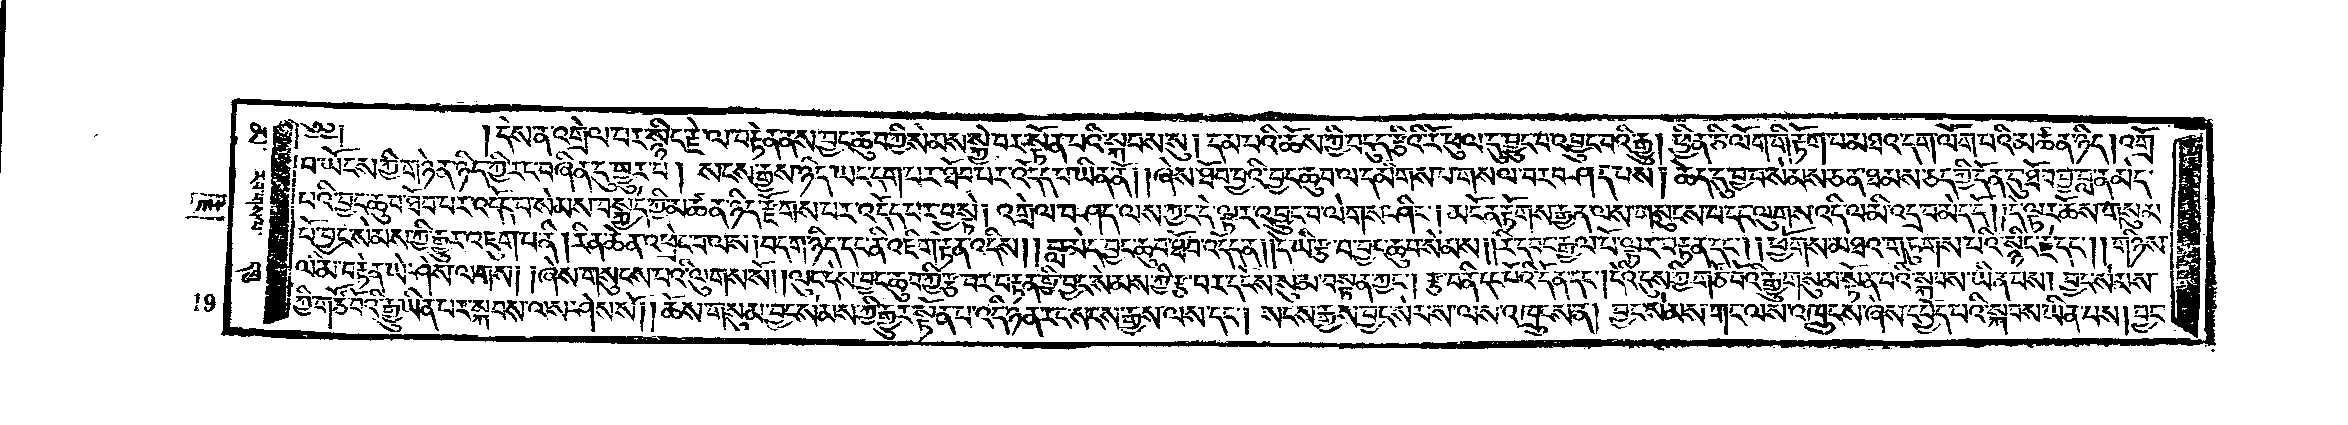༄༅། །དེས་ན་འགྲེལ་པར་སྙིང་རྗེ་ལ་བརྟེན་ནས་བྱང་ཆུབ་ཀྱི་སེམས་སྐྱེ་བར་སྟོན་པའི་སྐབས་སུ། དམ་པའི་ཆོས་ཀྱི་བདུད་རྩིའི་རོ་ཕུལ་དུ་བྱུང་བ་འབྱུང་བའི་རྒྱུ། ཕྱིན་ཅི་ལོག་གི་རྟོག་པ་མཐའ་དག་ལོག་པའི་མཚན་ཉིད། འགྲོ་
བ་ཡོངས་ཀྱི་གཉེན་ཉིད་ཀྱི་རང་བཞིན་དུ་གྱུར་པ། སངས་རྒྱས་ཉིད་ཡང་དག་པར་ཐོབ་པར་འདོད་པ་ཡིན་ནོ། །ཞེས་ཐོབ་བྱའི་བྱང་ཆུབ་ལ་དམིགས་པ་གསལ་བར་བཤད་པས། ཆེད་དུ་བྱ་བ་སེམས་ཅན་ཐམས་ཅད་ཀྱི་དོན་དུ་ཐོབ་བྱ་བླ་ན་མེད་
པའི་བྱང་ཆུབ་ཐོབ་པར་འདོད་པ་སེམས་བསྐྱེད་ཀྱི་མཚན་ཉིད་རྫོགས་པར་འདོད་པར་བྱ་སྟེ། འགྲེལ་བཤད་ལས་ཀྱང་དེ་ལྟར་འབྱུང་བ་ལེགས་ཤིང་། མངོན་རྟོགས་རྒྱན་ལས་གསུངས་པ་དང་ལུགས་འདི་ལ་མི་འདྲ་བ་མེད་དེ། །དེ་ལྟར་ཆོས་གསུམ་
པོ་བྱང་སེམས་ཀྱི་རྒྱུར་འཇུག་པ་ནི། རིན་ཆེན་འཕྲེང་བ་ལས། བདག་ཉིད་དང་ནི་འཇིག་རྟེན་འདིས། །བླ་མེད་བྱང་ཆུབ་ཐོབ་འདོད་ན། །དེ་ཡི་རྩ་བ་བྱང་ཆུབ་སེམས། །རི་དབང་རྒྱལ་པོ་ལྟར་བརྟན་དང་། །ཕྱོགས་མཐའ་གཏུགས་པའི་སྙིང་རྗེ་དང་། །གཉིས་
ལ་མི་བརྟེན་ཡེ་ཤེས་ལགས། །ཞེས་གསུངས་པའི་ལུགས་སོ། །ལུང་དེས་བྱང་ཆུབ་ཀྱི་རྩ་བར་བརྟན་གྱི་བྱང་སེམས་ཀྱི་རྩ་བར་དངོས་སུ་མ་བསྟན་ཀྱང་། རྩ་བ་ནི་དང་པོའི་དོན་དང་། དེའི་དུས་ཀྱི་གཙོ་བོའི་རྒྱུ་གསུམ་སྟོན་པའི་སྐབས་ཡིན་པས། བྱང་སེམས་
ཀྱི་གཙོ་བོའི་རྒྱུ་ཡིན་པར་སྐབས་ལས་ཤེས་སོ། །ཆོས་གསུམ་བྱང་སེམས་ཀྱི་རྒྱུར་སྟེན་པ་འདི་ཉན་རང་སངས་རྒྱས་ལས་དང་། སངས་རྒྱས་བྱང་སེམས་ལས་འཁྲུངས་ན། བྱང་སེམས་གང་ལས་འཁྲུངས་ཞེས་དཔྱོད་པའི་སྐབས་ཡིན་པས། བྱང་